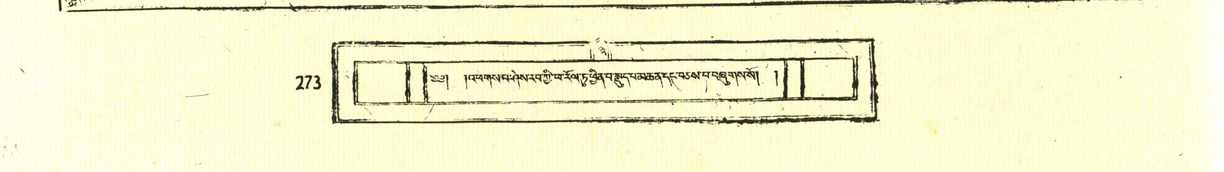༄༅། །འཕགས་པ་ཤེས་རབ་ཀྱི་ཕ་རོལ་ཏུ་ཕྱིན་པ་སྡུད་པ་མཆན་དང་བཅས་པ་བཞུགས་སོ། །